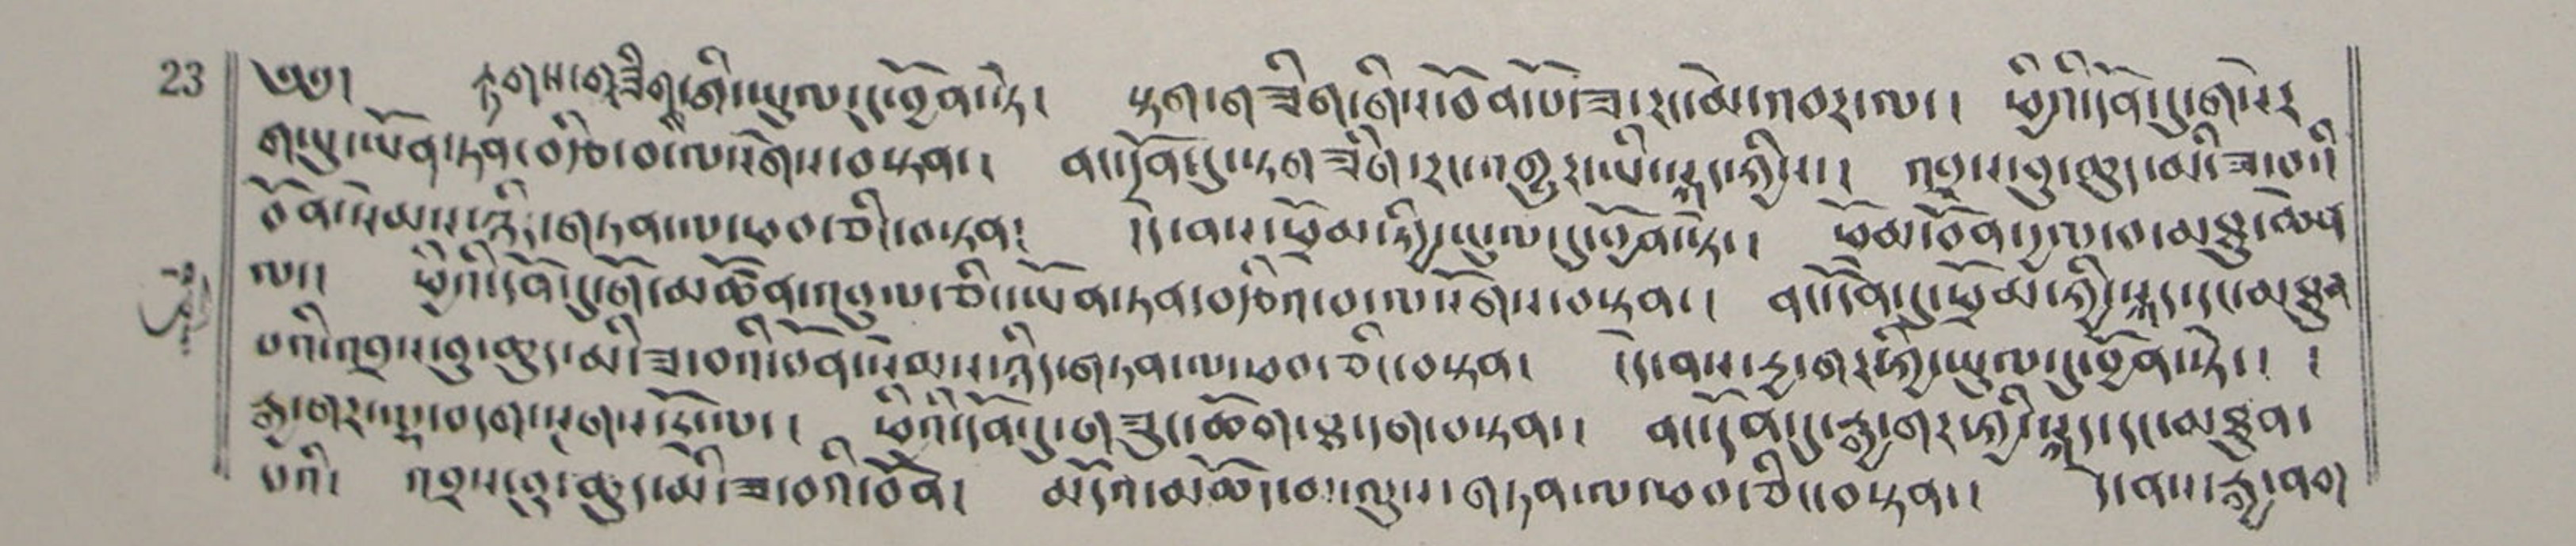༄༅། །སྟགས་གཟིགས་གི་ཡུལ་དུ་བྱོན་ཏེ། སྟག་གཟིག་གི་བོན་པོ་ཟ་རང་མེ་འབར་ལ། ཕྱིའི་དོན་དུ་གསེར་
གཡུ་ཡོན་ཏན་བརྩི་བ་ལས་སོགས་བསྟན། ནང་དོན་དུ་སྟག་གཟིག་རང་འགྱུར་གྱི་སྐད་ཀྱིས་འབྲས་བུ་ཆུད་མི་ཟ་བའི་
བོན་སེམས་ཉིད་གཏན་ལ་ཕབས་ཅིང་བསྟན། དེ་ནས་ཕྲོམ་གྱི་ཡུལ་དུ་བྱོན་ཏེ། ཕྲོམ་བོན་རྒྱལ་བ་མཐུ་ཆེན་
ལ། ཕྱིའི་དོན་དུ་གོ་མཚོན་འབུལ་ཅིང་ཡོན་ཏན་བརྩི་བ་ལས་སོགས་པ་བསྟན། ནང་དོན་དུ་ཕྲོམ་གྱི་སྐད་དང་མཐུན་
པའི་འབྲས་བུ་ཆུད་མི་ཟ་བའི་བོན་སེམས་ཉིད་གཏན་ལ་ཕབས་ཅིང་བསྟན། །དེ་ནས་རྒྱ་གར་ཡུལ་དུ་བྱོན་ཏེ། 
རྒྱ་གར་གྱི་ལྷ་བདག་སྔགས་དྲོ་ལ། ཕྱིའི་དོན་དུ་གཟུངས་ཆོག་མཐའ་དག་བསྟན། ནང་དོན་དུ་རྒྱ་གར་སྐད་དང་མཐུན་
པའི། འབྲས་བུ་ཆུད་མི་ཟ་བའི་བོན། མདོའ་མཆོད་མ་ལུས་གཏན་ལ་ཕབས་ཅིང་བསྟན། དེ་ནས་རྒྱ་ནག་